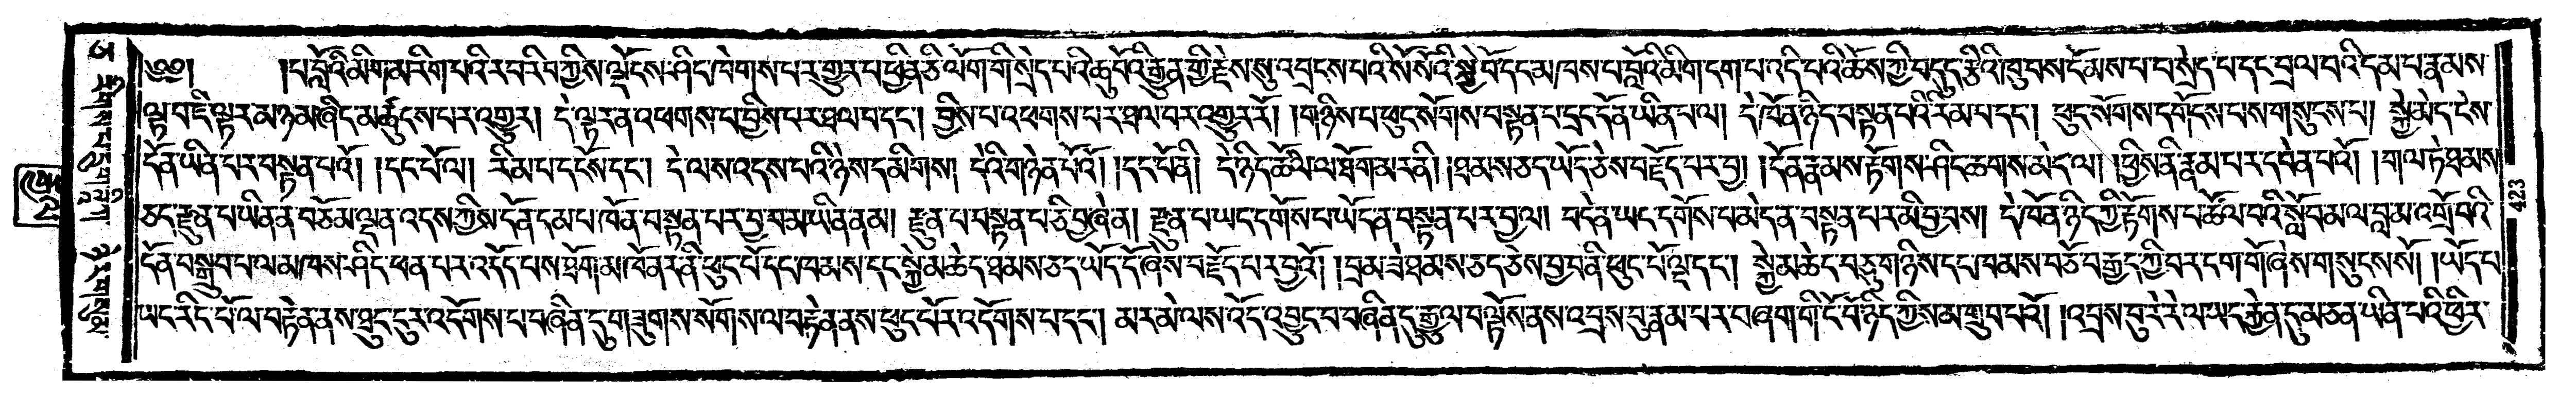༄༅། །པ་བློའི་མིག་མ་རིག་པའི་རབ་རིབ་ཀྱིས་ལྡོངས་ཤིང་ཁེགས་པར་གྱུར་པ་ཕྱིན་ཅི་ལོག་གི་སྲེད་པའི་ཆུ་བོའི་རྒྱུན་གྱི་རྗེས་སུ་འབྲངས་པའི་སོ་སོའི་སྐྱེ་བོ་དང་མཁས་པ་བློའི་མིག་དག་པ་འདི་པའི་ཆོས་ཀྱི་བདུད་རྩིའི་ཁུ་བས་ངོམས་པ་སྲེད་པ་དང་བྲལ་བའི་དམ་པ་རྣམས་
ལྟ་བ་ཇི་ལྟར་མཉམ་ཞིང་མཚུངས་པར་འགྱུར། དེ་ལྟར་ན་འཕགས་པ་བྱིས་པར་ཐལ་བ་དང་། བྱིས་པ་འཕགས་པར་ཐལ་བར་འགྱུར་རོ། །གཉིས་པ་ཕུང་སོགས་བསྟན་པ་དྲང་དོན་ཡིན་པ་ལ། དེ་ཁོ་ན་ཉིད་བསྟན་པའི་རིམ་པ་དང་། ཕུང་སོགས་དགོངས་པས་གསུངས་པ། སྐྱེ་མེད་ངེས་
དོན་ཡིན་པར་བསྟན་པའོ། །དང་པོ་ལ། རིམ་པ་དངོས་དང་། དེ་ལས་འདས་པའི་ཉེས་དམིགས། དེའི་གཉེན་པོའོ། །དང་པོ་ནི། དེ་ཉིད་ཚོལ་ལ་ཐོག་མར་ནི། །ཐམས་ཅད་ཡོད་ཅེས་བརྗོད་པར་བྱ། །དོན་རྣམས་རྟོགས་ཤིང་ཆགས་མེད་ལ། །ཕྱིས་ནི་རྣམ་པར་དབེན་པའོ། །གལ་ཏེ་ཐམས་
ཅད་རྫུན་པ་ཡིན་ན་བཅོམ་ལྡན་འདས་ཀྱིས་དོན་དམ་པ་ཁོ་ན་བསྟན་པར་བྱ་བ་མ་ཡིན་ནམ། རྫུན་པ་བསྟན་པ་ཅི་བྱ་ཞེ་ན། རྫུན་པ་ཡང་དགོས་པ་ཡོད་ན་བསྟན་པར་བྱ་ལ། བདེན་ཡང་དགོས་པ་མེད་ན་བསྟན་པར་མི་བྱ་བས། དེ་ཁོ་ན་ཉིད་ཀྱི་རྟོགས་པ་ཚོལ་བའི་སློབ་མ་ལ་བླ་མ་འགྲོ་བའི་
དོན་བསྒྲུབ་པ་ལ་མཁས་ཤིང་ཕན་པར་འདོད་པས་ཐོག་མ་ཁོ་ནར་ནི་ཕུང་པོ་དང་ཁམས་དང་སྐྱེ་མཆེད་ཐམས་ཅད་ཡོད་དོ་ཞེས་བརྗོད་པར་བྱའོ། །བྲམ་ཟེ་ཐམས་ཅད་ཅེས་བྱ་བ་ནི་ཕུང་པོ་ལྔ་དང་། སྐྱེ་མཆེད་བཅུ་གཉིས་དང་ཁམས་བཅོ་བརྒྱད་ཀྱི་བར་དག་གོ་ཞེས་གསུངས་སོ། །ཡོད་པ་
ཡང་རིང་པོ་ལ་བརྟེན་ནས་ཐུང་ངུར་འདོགས་པ་བཞིན་དུ་གཟུགས་སོགས་ལ་བརྟེན་ནས་ཕུང་པོར་འདོགས་པ་དང་། མར་མེ་ལས་འོད་འབྱུང་བ་བཞིན་དུ་རྒྱུ་ལ་བལྟོས་ནས་འབྲས་བུ་རྣམ་པར་བཞག་གི་ངོ་བོ་ཉིད་ཀྱིས་མ་གྲུབ་པའོ། །འབྲས་བུ་རེ་རེ་ལ་ཡང་རྐྱེན་དུ་མ་ཅན་ཡིན་པའི་ཕྱིར་